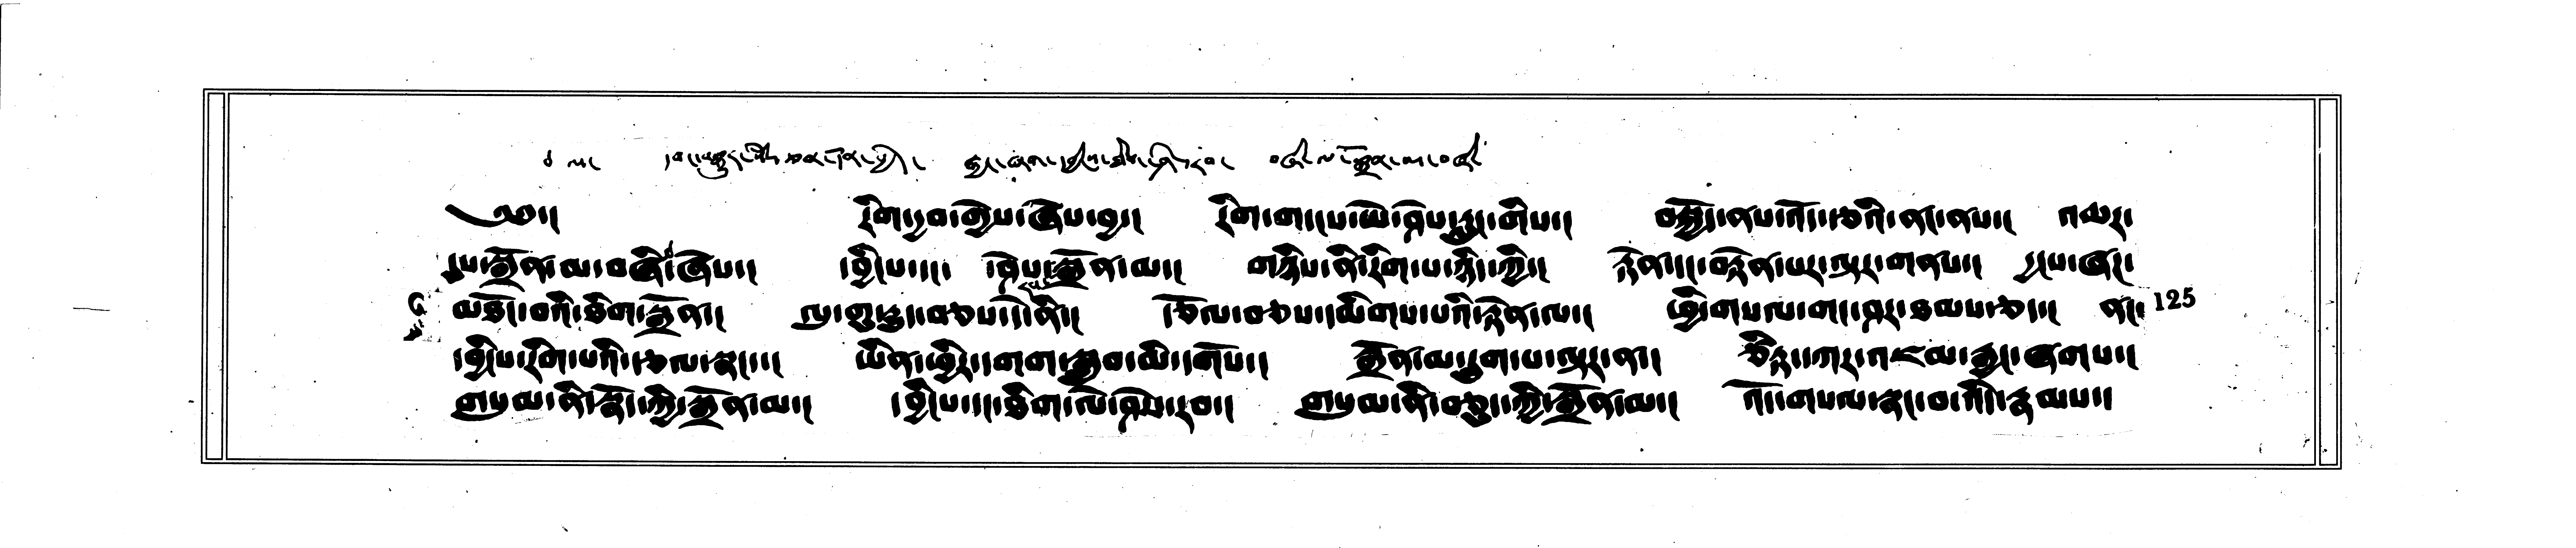རིག་རྒྱབ་གྱེས་ཞེས་བྱ། །རིག་གདངས་ཡེ་ཤེས་རླུང་གིས། །བསྐྱོད་ནས་འོད་རྩའི་ནང་ནས། །འཆར་
དུས་སྒྲོན་མ་བཞི་ལ། །དབང་སྒྱུར་སེམས་ཅན་དོན་བྱེད། །རྒྱང་ཞག་དབྱིངས་ཐིག་ཤེས་རབ། །བཞི་ལ་སྒྲོན་མ་བཞི་ཞེས། །དབྱིངས་དང་ཤེས་རབ་སྒྲོན་མ། །གཉིས་ནི་རིག་པ་ཉིད་ཀྱི། །རྟེན་དང་བརྟེན་པར་གནས་ལྟར། །རྒྱང་ཞག་
མཐོང་བའི་ཐིག་སྒྲོན། །ལུ་གུ་རྒྱུད་བཅས་དེ་ནི། །རྩོལ་བཅས་དམིགས་པའི་རྟེན་ལ། །ཕྱི་གསལ་གང་ཤར་ཐམས་ཅད། །ནང་
དབྱིངས་རིག་པའི་རྩལ་སྣང་། །ཡིན་ཕྱིར་དགག་སྒྲུབ་མི་དགོས། །སྒྲོན་མ་དྲུག་པ་ལྟར་ན། །ཙིརྟ་དཀར་འཇམ་རྒྱང་ཞགས། །
གསུམ་ནི་སྣོད་ཀྱི་སྒྲོན་མ། །དབྱིངས་དང་ཐིག་ལེ་ཤེས་རབ། །གསུམ་ནི་བཅུད་ཀྱི་སྒྲོན་མ། །འོད་གསལ་སྣང་བ་འདི་རྣམས། །